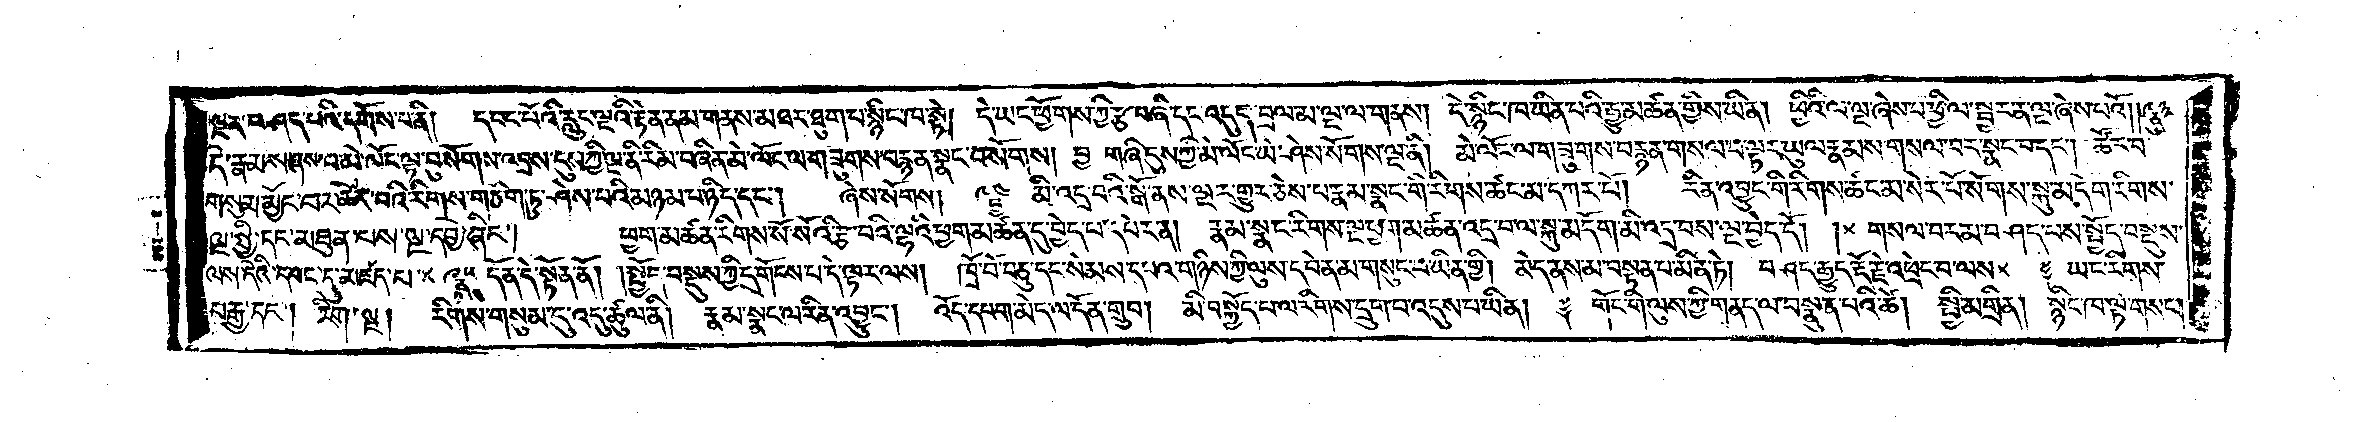སྔར་བཤད་པའི་དགོས་པ་ནི། དབང་པོའི་རླུང་ལྔའི་རྟེན་ནམ་གནས་མཐར་ཐུག་པ་སྙིང་ཁ་སྟེ། དེ་ཡང་ཕྱོགས་ཀྱི་རྩ་བཞི་དང་འདུད་བྲལ་མ་ལྔ་ལ་གནས། དེ་སྙིང་ཁ་ཡིན་པའི་རྒྱུ་མཚན་གྱིས་ཡིན། ཕྱིའི་ལ་ལྔ་ཞེས་པ་ཕྱི་ལ་སྦྱར་ན་ལྔ་ཞེས་པའོ། །༩༣
དེ་རྣམས་ཞས་པ་མེ་ལོང་ལྟ་བུ་སོགས་འབྲས་དུས་ཀྱི་ལྔ་ནི་རིམ་བཞིན་མེ་ལོང་ལ་གཟུགས་བརྙན་སྣང་བ་སོགས། བྱ་གཞི་དུས་ཀྱི་མེ་ལོང་ཡེ་སྣེས་སོགས་ལྔ་ནི། མེ་ལོང་ལ་གཟུགས་བརྙན་གསལ་བ་ལྟར་ཡུལ་རྣམས་གསལ་བར་སྣང་བ་དང་། ཚོར་བ་
གསུམ་མྱོང་བར་ཚོར་བའི་རིགས་གཅིག་ཏུ་ཤེས་པའི་མཉམ་པ་ཉིད་དང་། ཞེས་སོགས། ༩༤་མི་འདྲ་བའི་སྒོ་ནས་ལྔར་གྱུར་ཅེས་པ་རྣམ་སྣང་གི་རིགས་ཚང་མ་དཀར་པོ། རིན་འབྱུང་གི་རིགས་ཚང་མ་སེར་པོ་སོགས་སྐུ་མདོག་རིགས་
ལྔ་སྤྱི་དང་མཐུན་པས་ལྔ་དབྱེ་ཞིང་། ཕྱག་མཚན་རིགས་སོ་སོའི་རྩ་བའི་ལྷའི་ཕྱག་མཚན་དུ་བྱེད་པ་དཔེར་ན། རྣམ་སྣང་རིགས་ལྔ་ཕྱག་མཚན་འདྲ་བ་ལ་སྐུ་མདོག་མི་འདྲ་བ་ལྔ་བྱེད་དོ། །྾་གསལ་བར་མ་བཤད་པས་སྤྱོད་བསྡུས་
ལས་དེའི་དབང་ཏུ་མཛད་པ྾ ༩༥་དོན་དེ་སྟོན་ནོ། །སྤྱོད་བསྡུས་ཀྱི་དགོངས་པ་དེ་ལྟར་ལས། ཁྲོ་བོ་བཅུ་དང་སེམས་དཔའ་གཉིས་ཀྱི་ལུས་དབེན་མ་གསུང་བ་ཡིན་གྱི། མེད་ནས་མ་བསྟན་པ་མིན་ཏེ། བཤད་རྒྱུད་རྡོ་རྗེ་འཕྲེང་བ་ལས྾་༈ ཡང་རིགས་
བརྒྱ་དང་། རིག་ལྔ། རིགས་གསུམ་དུ་འདུ་ཚུལ་ནི། རྣམ་སྣང་ལ་རིན་འབྱུང་། འོད་དཔག་མེད་ལ་དོན་གྲུབ། མི་བསྐྱོད་པ་ལ་རིགས་དྲུག་པ་འདུས་པ་ཡིན། ༈ གོང་གི་ལུགས་ཀྱི་གནད་ལ་བསྣུན་པའི་ཚེ། སྤྱི་མགྲིན། སྙིང་ཁ་ལྟེ་གསང་